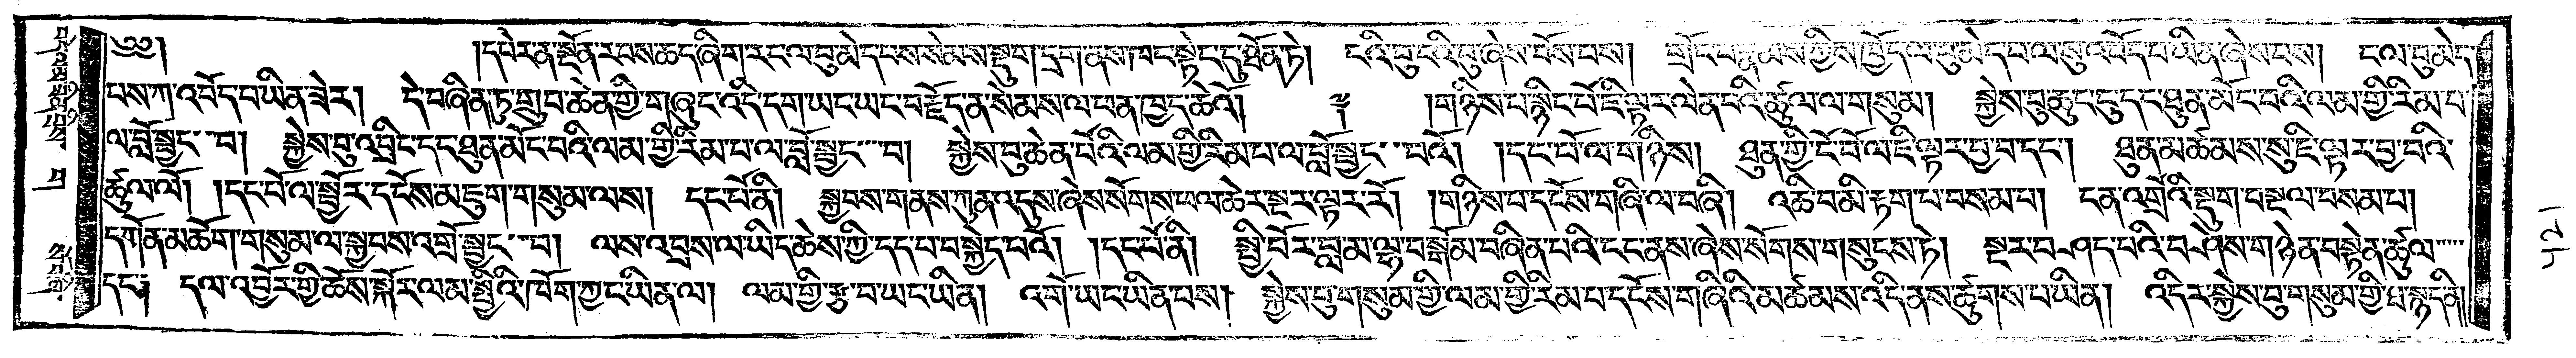༄༅། །དཔེར་ན་སྔོན་རབས་ཆད་ཞིག་རང་ལ་བུ་མེད་བས་སེམས་སྡུག་དྲག་ནས་ཁང་སྟེང་དུ་ཐོན་ཏེ། ངའི་བུ་ངའི་བུ་ཞེས་པོས་པས། གྲོང་པ་རྣམས་ཀྱིས་ཁྱོད་ལ་བུ་མེད་པ་ལ་སུ་འབོད་བ་ཡིན་ཞེས་བས། དལ་བུ་མེད་
བས་ཀ་འབོད་བ་ཡིན་ཟེར། དེ་བཞིན་ཏུ་གྲུབ་ཆེན་གྱི་གཞུང་འདི་དག་ཡང་ཡང་བརྗོད་ན་སེམས་ལ་ཕན་ཁྱད་ཆེའོ། ༈ །གཉིས་པ་སྙིང་པོ་ཇི་ལྟར་ལེན་པའི་ཚུལ་ལ་གསུམ། སྐྱེས་བུ་ཆུང་ངུ་དང་ཐུན་མོང་བའི་ལམ་གྱི་རིམ་པ་
ལ་བློ་སྦྱང་བ། སྐྱེས་བུ་འབྲིང་དང་ཐུན་མོང་བའི་ལམ་གྱི་རིམ་པ་ལ་བློ་སྦྱང་བ། སྐྱེས་བུ་ཆེན་པོའི་ལམ་གྱི་རིམ་པ་ལ་བློ་སྦྱང་བའོ། །དང་པོ་ལ་གཉིས། ཐུན་གྱི་ངོ་བོ་ལ་ཇི་ལྟར་བྱ་བ་དང་། ཐུན་མཚམས་སུ་ཇི་ལྟར་བྱ་བའི་
ཚུལ་ལོ། །དང་པོ་ལ་སྦྱོར་དངོས་མཇུག་གསུམ་ལས། དང་པོ་ནི། སྐྱབས་གནས་ཀུན་འདུས་ཞེས་སོགས་ཕལ་ཆེར་སྔར་ལྟར་རོ། །གཉིས་པ་དངོས་གཞི་ལ་བཞི། འཆི་བ་མི་རྟག་པ་བསམ་པ། ངན་འགྲོའི་སྡུག་བསྔལ་བསམ་པ།
དཀོན་མཆོག་གསུམ་ལ་སྐྱབས་འགྲོ་སྦྱང་བ། ལས་འབྲས་ལ་ཡིད་ཆེས་ཀྱི་དད་པ་བསྐྱེད་བའོ། །དང་པོ་ནི། སྤྱི་བོར་བླ་མ་ལྷ་བསྒོམ་བཞིན་པའི་ངང་ནས་ཞེས་སོགས་གསུངས་ཏེ། སྔར་བཤད་བའི་བཤེས་གཉེན་བསྟེན་ཚུལ་
དང་། དལ་འབྱོར་གྱི་ཆོས་སྐོར་ལམ་སྤྱིའི་ཁོག་ཀྱང་ཡིན་ལ། ལམ་གྱི་རྩ་བ་ཡང་ཡིན། འགོ་ཡང་ཡིན་པས། སྐྱེས་བུ་གསུམ་གྱི་ལམ་གྱི་རིམ་པ་དངོས་གཞིའི་མཚམས་འདི་ནས་ཚུགས་པ་ཡིན། འདིར་སྐྱེས་བུ་གསུམ་གྱི་ཐ་སྙད་ནི།